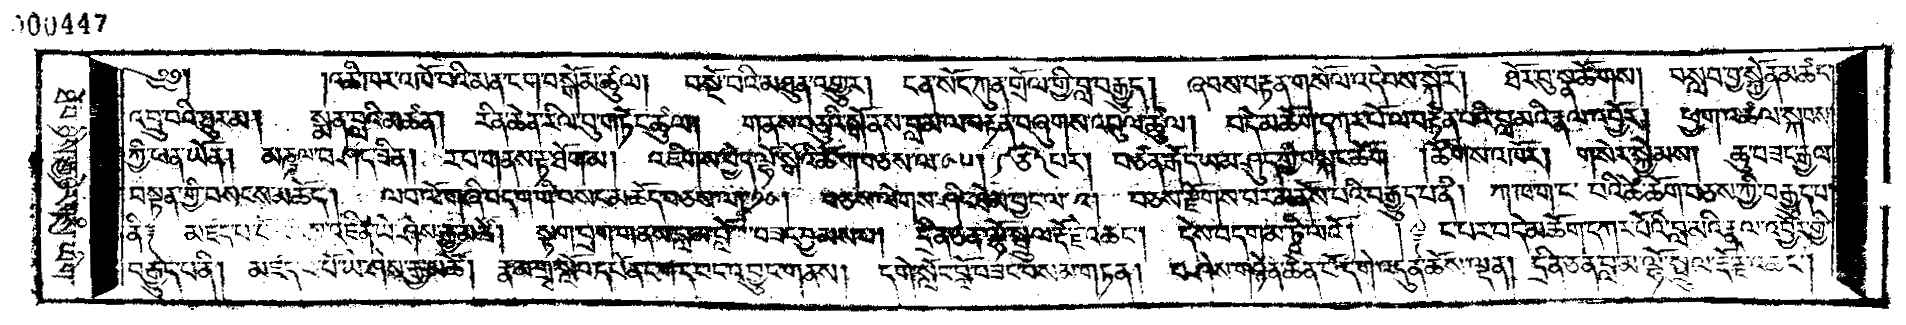༄༅། །འཆི་ཁར་འཁོ་བའི་མན་ངག་བསྒོམ་ཚུལ། བསྔོ་བའི་མཐུན་འགྱུར། ངན་སོང་ཀུན་གྲོལ་གྱི་བླ་བརྒྱུད། ཞབས་བརྟན་གསོལ་འདེབས་སྐོར། ཐོར་བུ་སྣ་ཚོགས། བསླབ་བྱ་སྐྱོན་མཚན་འབྲུ་བའི་
ཐུར་མ། སྨན་བླའི་མཚན། རིན་ཆེན་རིལ་བུ་གཏོང་ཚུལ། གནས་བཅུའི་སྒོ་ན་བླ་མ་ལ་བརྟན་བཞུགས་འབུལ་ཚུལ། བདེ་མཆོག་དཀར་པོ་ལ་བརྟེན་པའི་བླ་མའི་རྣལ་འབྱོར། ཕྱག་འཚལ་སྐབས་
ཀྱི་ཕན་ཡོན། མཎྜལ་བཤད་ཟིན། རབ་གནས་རྟ་ཐོག་མ་འཇིགས་བྱེད་ལྷོ་སྒོའི་ཆོ་ག་བཅས་ལ ༦༥། ༼ཅ༽ པར། བཙན་རྒོད་ཡམ་ཤུད་ཀྱི་བསྐང་ཆིག །ཚོགས་འཁོར། གསེར་སྐྱེམས། ཆུ་ཟང་རྒྱལ་
བསྟན་གྱི་བསངས་མཆོད། ལབ་ལོ་གཞི་བདག་གི་བསང་མཆོད་བཅས་ལ། ༡༦། བཅས་ལེགས་ཤིང་ཐེམ་བྱང་ལ ༢། བཅས་རྫོགས་པར་མནོས་པའི་བརྒྱུད་པ་ནི། ཀ་ཁ་ག་ང་པའི་ཆོག་བས་ཀྱི་བརྒྱུད་བ་
ནི༈ མཛད་པ་པོ་ཡོངས་འཛིན་ཡེ་ཤེས་རྒྱ་མཚོ། སྲག་བྲག་གནས་བླ་མ་བློ་བཟང་བྱམས་པ། དྲིན་ཆན་ལྷོ་སྤྲུལ་རྡོ་རྗེ་འཆང་། དེས་བདག་མ་ཏཱི་ལའོ། །༈ ང་པར་བདེ་མཆོག་དཀར་པོའི་བླ་མའི་རོལ་འབྱོར་གྱི་
བརྒྱུད་པ་ནི། མཛད་པ་པོ་ཡེ་ཤེ་རྒྱ་མཚོ། རྣམ་གྲྭ་སློབ་དཔོན་ངག་དབང་འབྱུང་ནས། དགེ་སློང་བློ་བཟང་བསམ་གཏན། བཤེས་གཉེན་ཆེན་པོ་དགེ་འདུན་ཆོས་ལྡན། དྲིན་ཅན་བླ་མ་ལྷོ་སྤྲུལ་རྡོ་རྗེ་འཆང་།